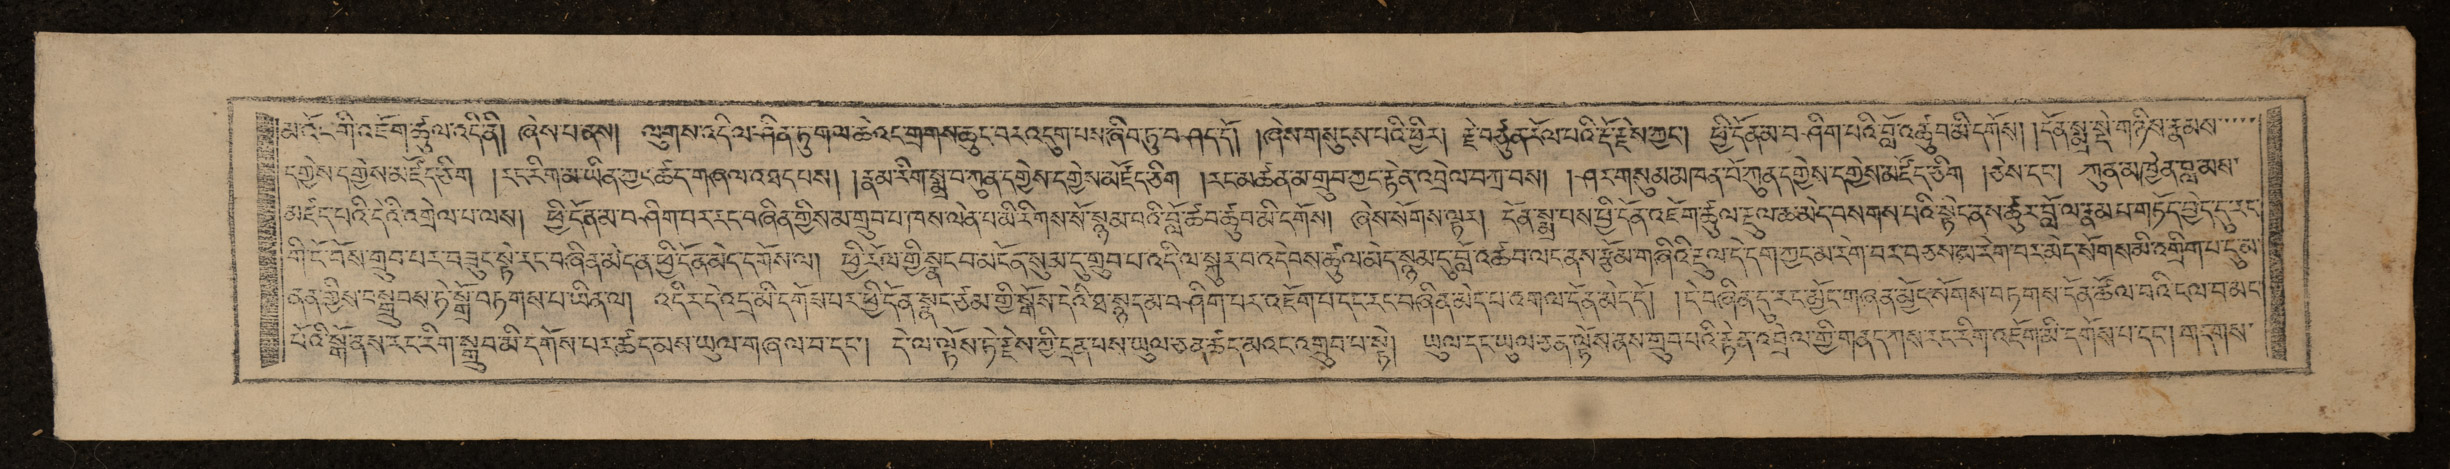མ་འོང་གི་འཇོག་ཚུལ་འདི་ནི། ཞེས་པ་ནས། ལུགས་འདི་ལ་ཤིན་ཏུ་གལ་ཆེ་འང་གྲགས་ཆུར་བར་འདུག་པས་ཞིབ་ཏུ་བཤད་དོ། །ཞེས་གསུངས་པའི་ཕྱིར། རྗེ་བཙུན་རོལ་བའི་རྡོ་རྗེས་ཀྱང་། ཕྱི་དོན་མ་བཤིག་པའི་བློ་འཚུབ་བ་མི་དགོས། །དོན་སྨྲ་སྡེ་གཉིས་རྣམས་
དགྱེས་དགྱེས་མཛོད་ཅིག །རང་རིག་མ་ཡིན་ཀྱང་ཚད་གཞལ་འཐད་པས། །རྣམ་རིག་སྨྲ་བ་ཀུན་དགྱེས་དགྱེས་མཛོད་ཅིག །རང་མཚན་མ་གྲུབ་ཀྱང་རྟེན་འབྲེལ་བཀྲ་བས། །ཤར་གསུམ་མཁན་པོ་ཀུན་དགྱེས་མཛོད་ཅིག །ཅེས་དང་། ཀུན་མཁྱེན་བླ་མས་
མཛུད་པའི་དེའི་འགྲེལ་པ་ལས། ཕྱི་དོན་མ་བཤིག་པར་རང་བཞིན་གྱིས་མ་གྲུབ་པ་ཁས་ལེན་པ་མི་རིགས་སོ་སྙམ་པའི་བློ་ཚབ་ཚུབ་མི་དགོས། ཞེས་སོགས་ལྟར། དོན་སྨྲ་བས་ཕྱི་དོན་འཇོག་ཚུལ་རྡུལ་ཆ་མེད་བསགས་པའི་སྟེང་ནས་ཚུར་བློ་ལ་རྣམ་པ་གཏོད་བྱེད་དུ་རང་
གི་ངོ་བོས་གྲུབ་པར་བཟུང་སྟེ་རང་བཞིན་མེད་ན་ཕྱི་དོན་མེད་དགོས་ལ། ཕྱི་རོལ་གྱི་སྣང་བ་མངོན་སུམ་དུ་གྲུབ་པ་འདི་ལ་སྐུར་བ་འདེབས་ཚུལ་མེད་སྙམ་དུ་བློ་འཚེ་བ་ལང་ནས་རྩོམ་གཞིའི་རྡུལ་དེ་དག་ཀྱང་མ་རེག་པར་བཅས་མ་རེག་པར་མེད་སོགས་མི་འགྲིག་བ་དུ་མ་
ནན་གྱིས་བསྒྲུབས་ཏེ་སྒྲོ་བཏགས་པ་ཡིན་ལ། འདིར་དེ་འདྲ་མི་དགོས་བར་ཕྱི་དོན་སྣང་ཙམ་གྱི་སྒོས་དེའི་ཐ་སྙད་མ་ཤིག་བར་འཇོག་པ་དང་རང་བཞིན་མེད་པ་འགལ་དོན་མེད་དོ། །དེ་བཞིན་དུ་རང་མྱོང་གཞན་མྱོང་སོགས་བཏགས་དོན་ཚོལ་བའི་ངལ་བ་མང་
པོའི་སྒོ་ནས་རང་རིག་སྒྲུབ་མི་དགོས་པར་ཚད་མས་ཡུལ་གཞལ་བ་དང་། དེ་ལ་ལྟོས་ཏེ་རྗེས་ཀྱི་དྲན་པས་ཡུལ་ཅན་ཚད་མའང་འགྲུབ་པ་སྟེ། ཡུལ་དང་ཡུལ་ཅན་ལྟོས་ནས་གྲུབ་པའི་རྟེན་འབྲེལ་གྱི་གནང་ཀས་མ་རིག་འཇོག་མི་དགོས་པ་དང་། གདགས་